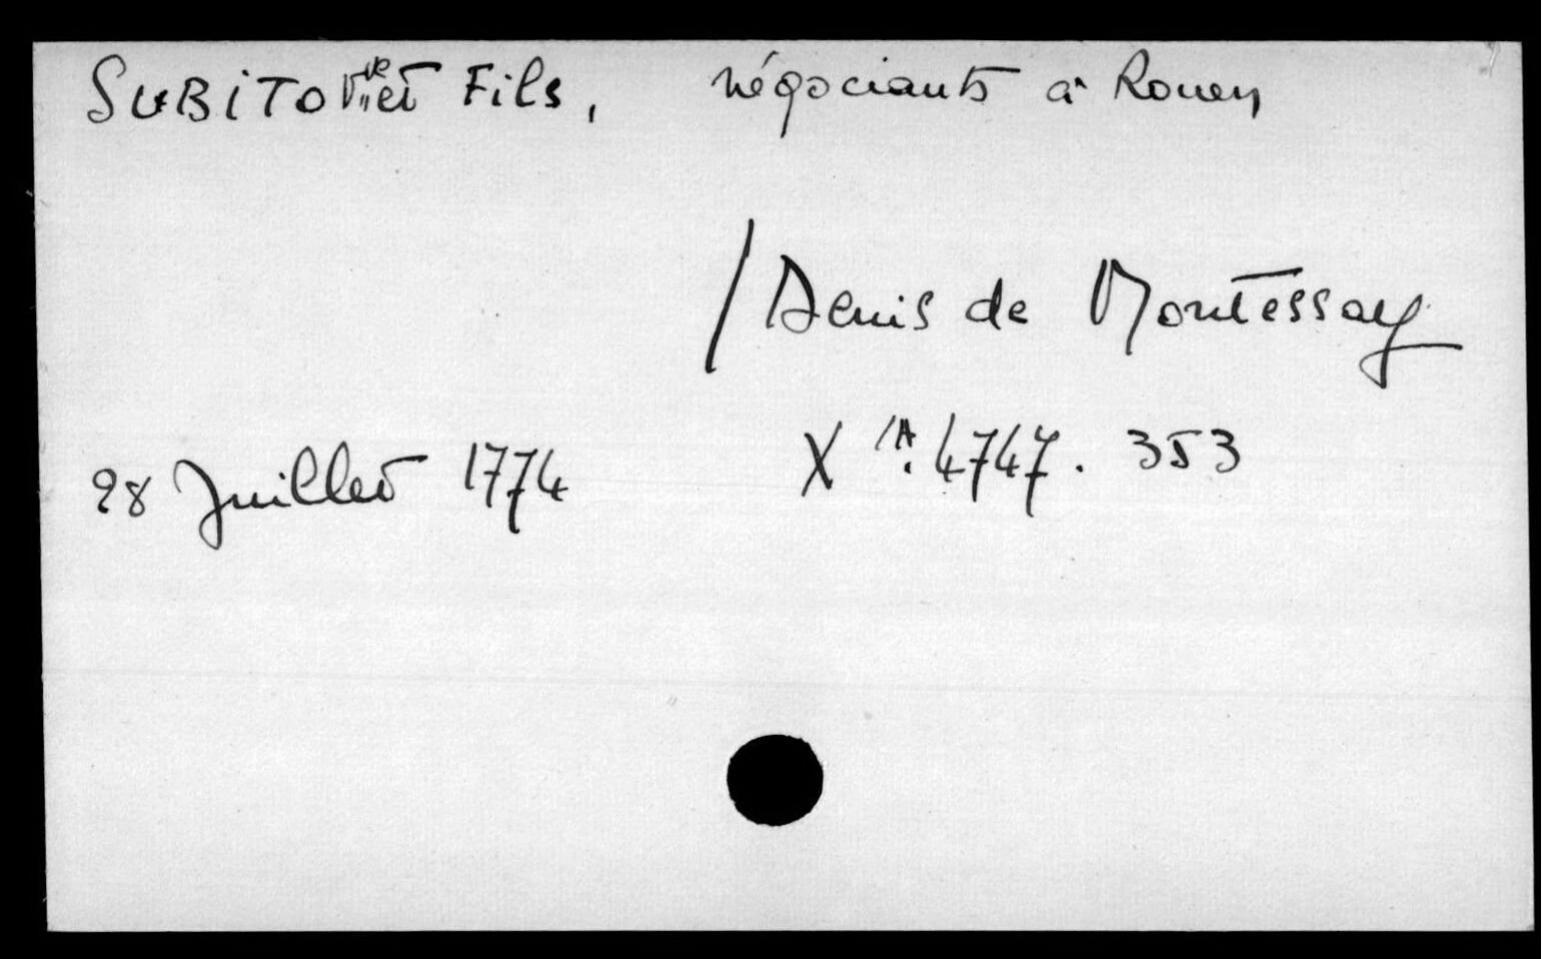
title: SUBITOVIET Fils, négociants à Rouen
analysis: Contre Denis de Montessay
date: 28 juillet 1774
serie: X1A
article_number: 4747
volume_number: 353
